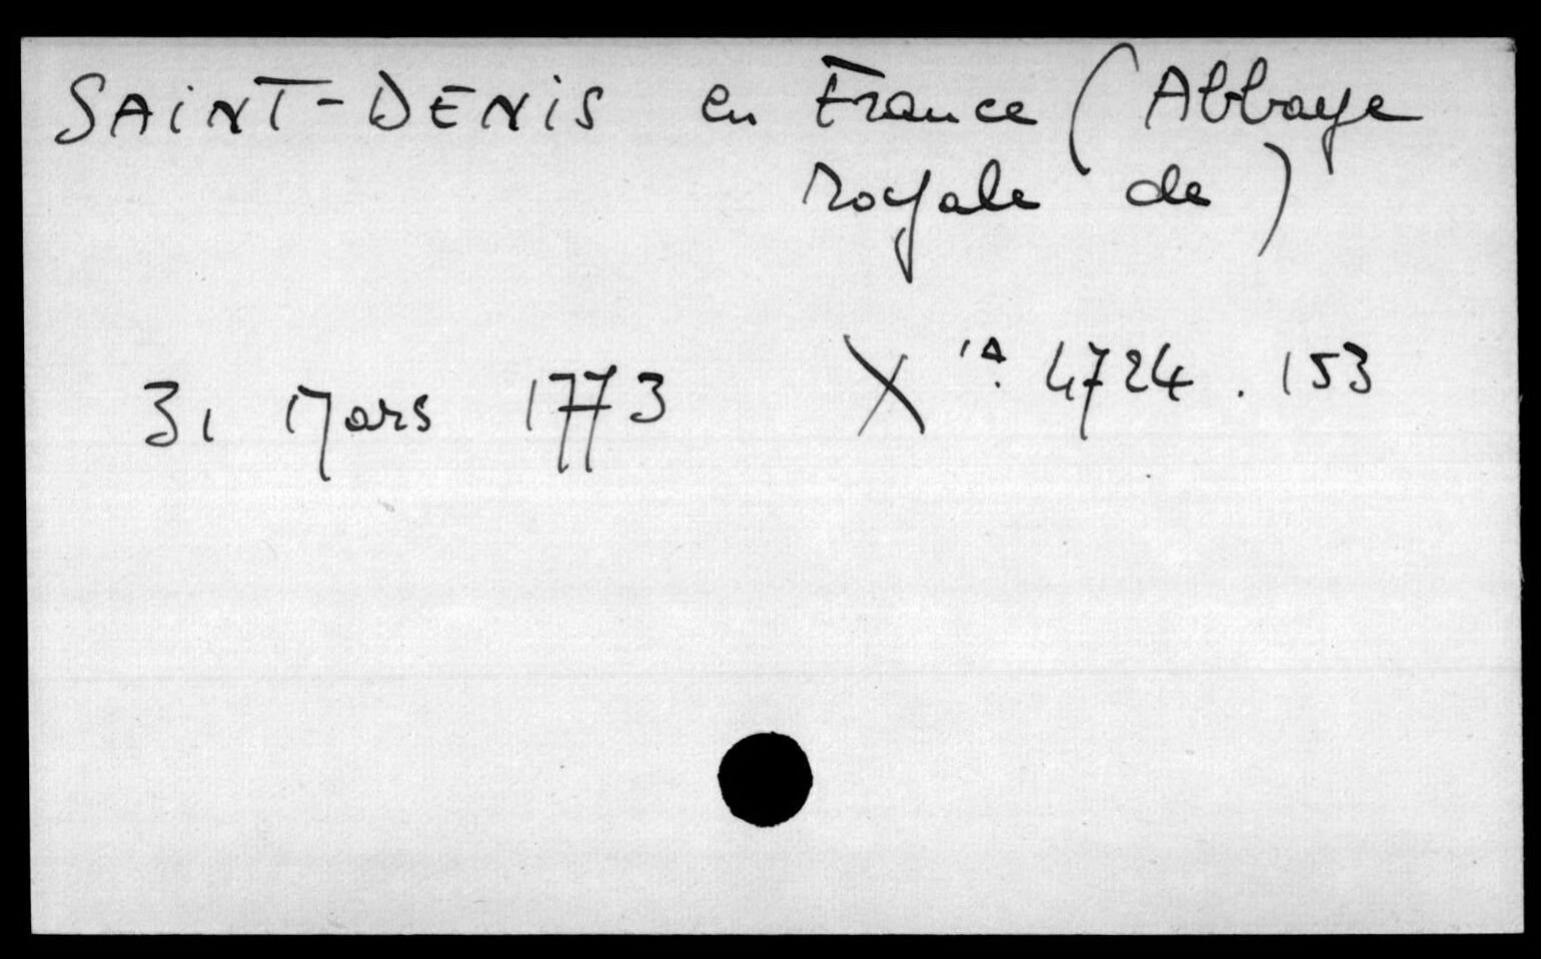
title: AAINT-DENIS en France (Abbaye Royale de)
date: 31 mars 1773
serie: X1a
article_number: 4724
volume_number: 153
